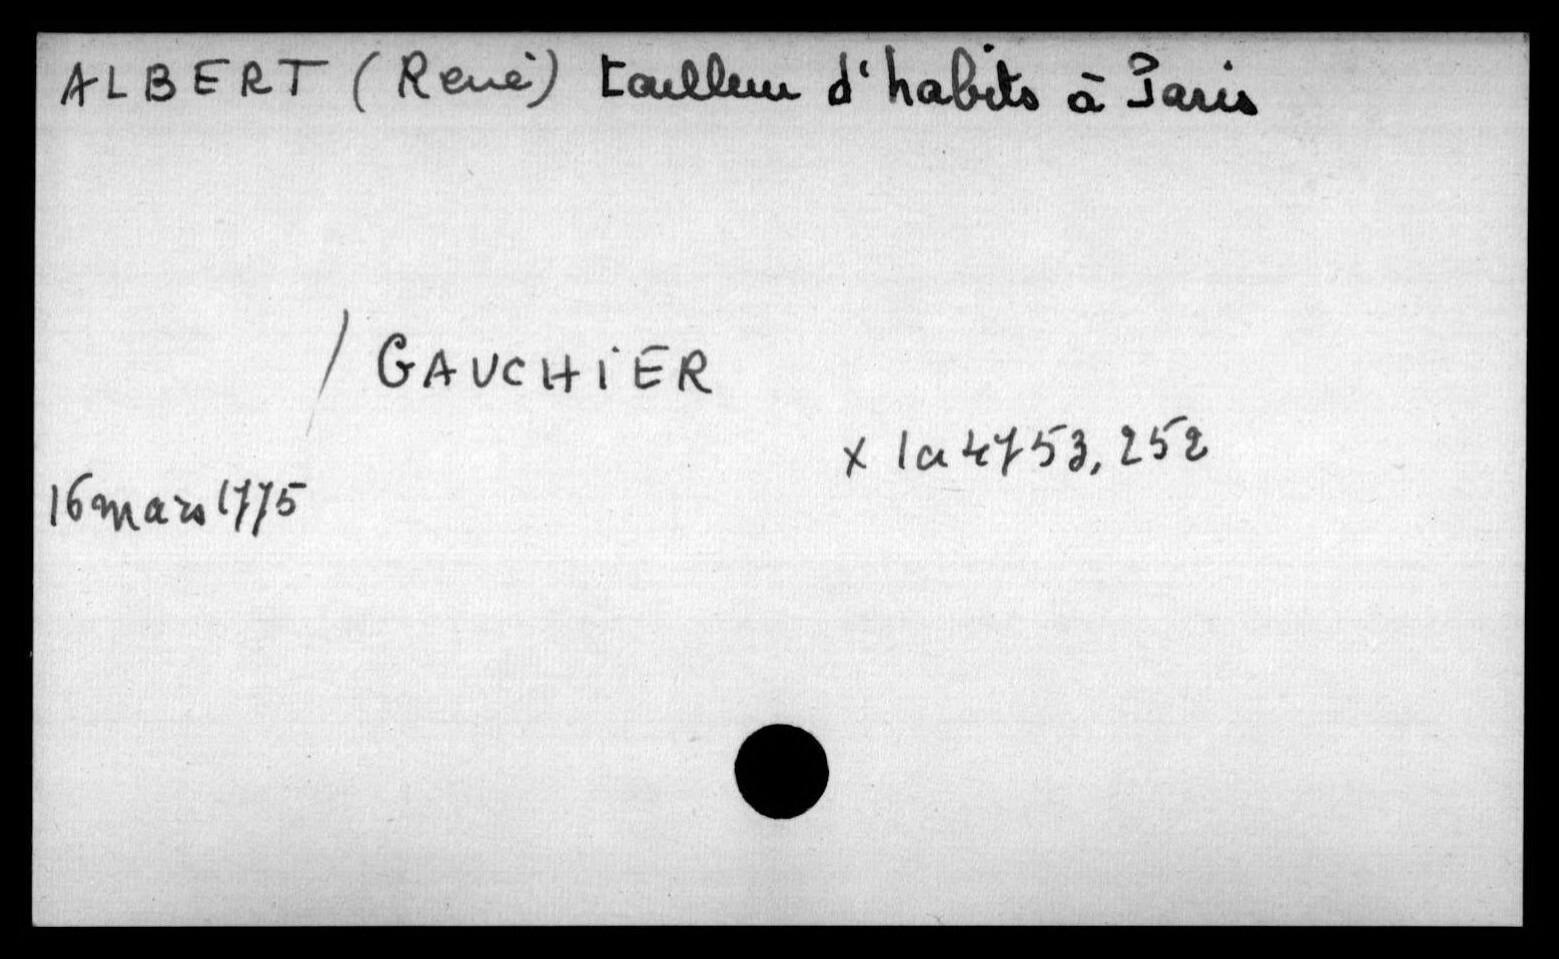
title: ALBERT (René) tailleur d'habits à Paris
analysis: Contre GAUCHIER
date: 16 mars 1775
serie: X1a
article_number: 4753
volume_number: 252
